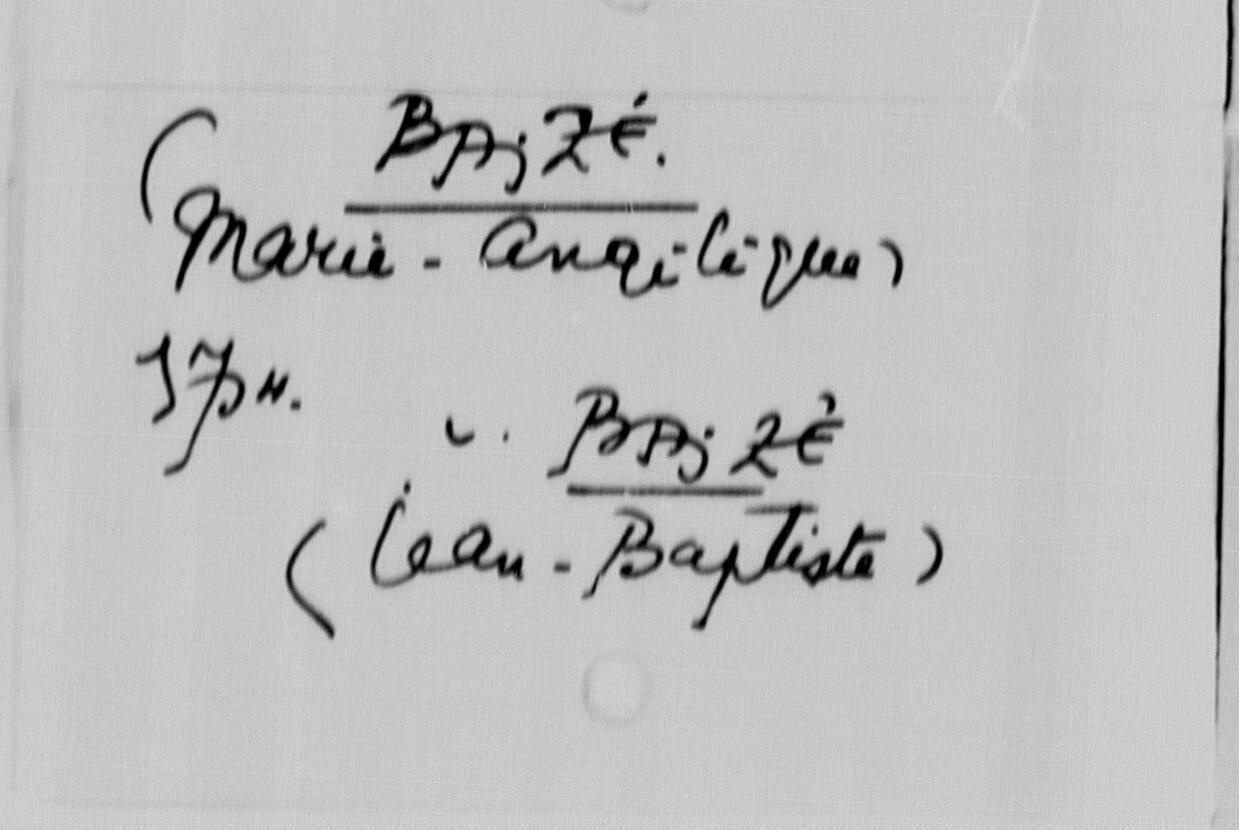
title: BAIZÉ (Marie-Angélique)
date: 1704
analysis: Voir BAIZÉ (Jean-Baptiste)
